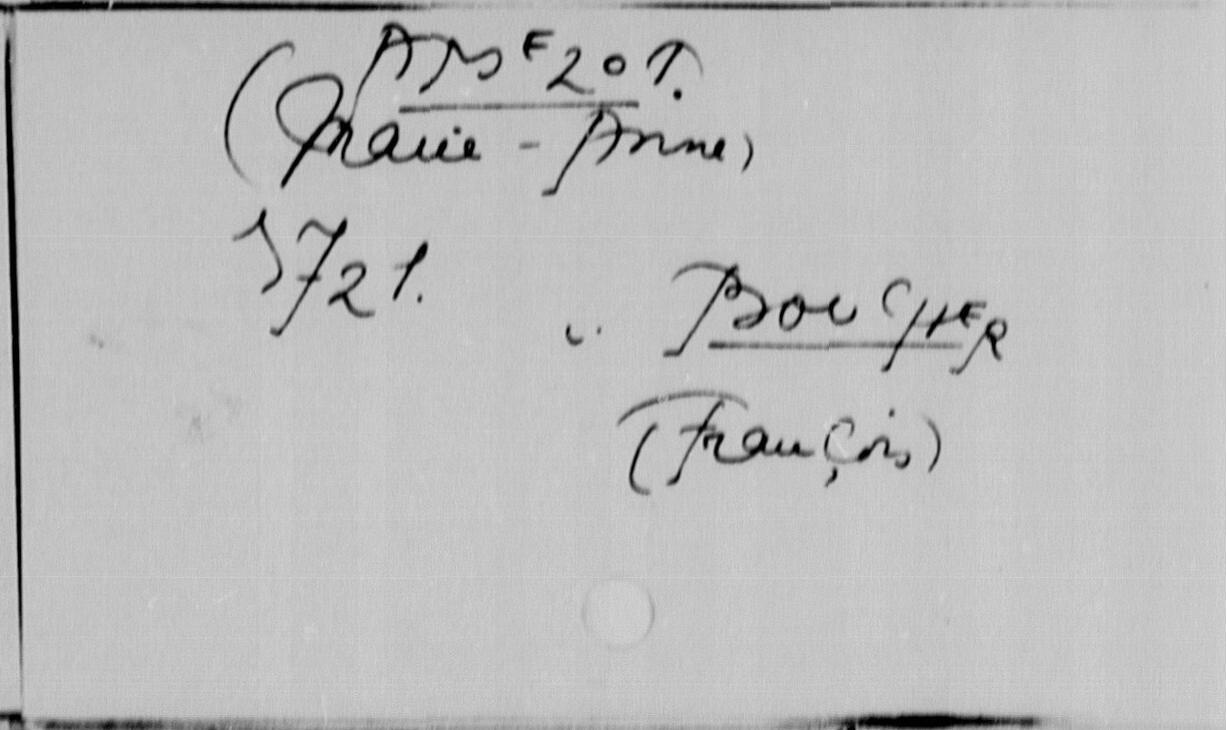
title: AMELOT (Marie-Anne)
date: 1721
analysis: Voir BOUCHER (François)
